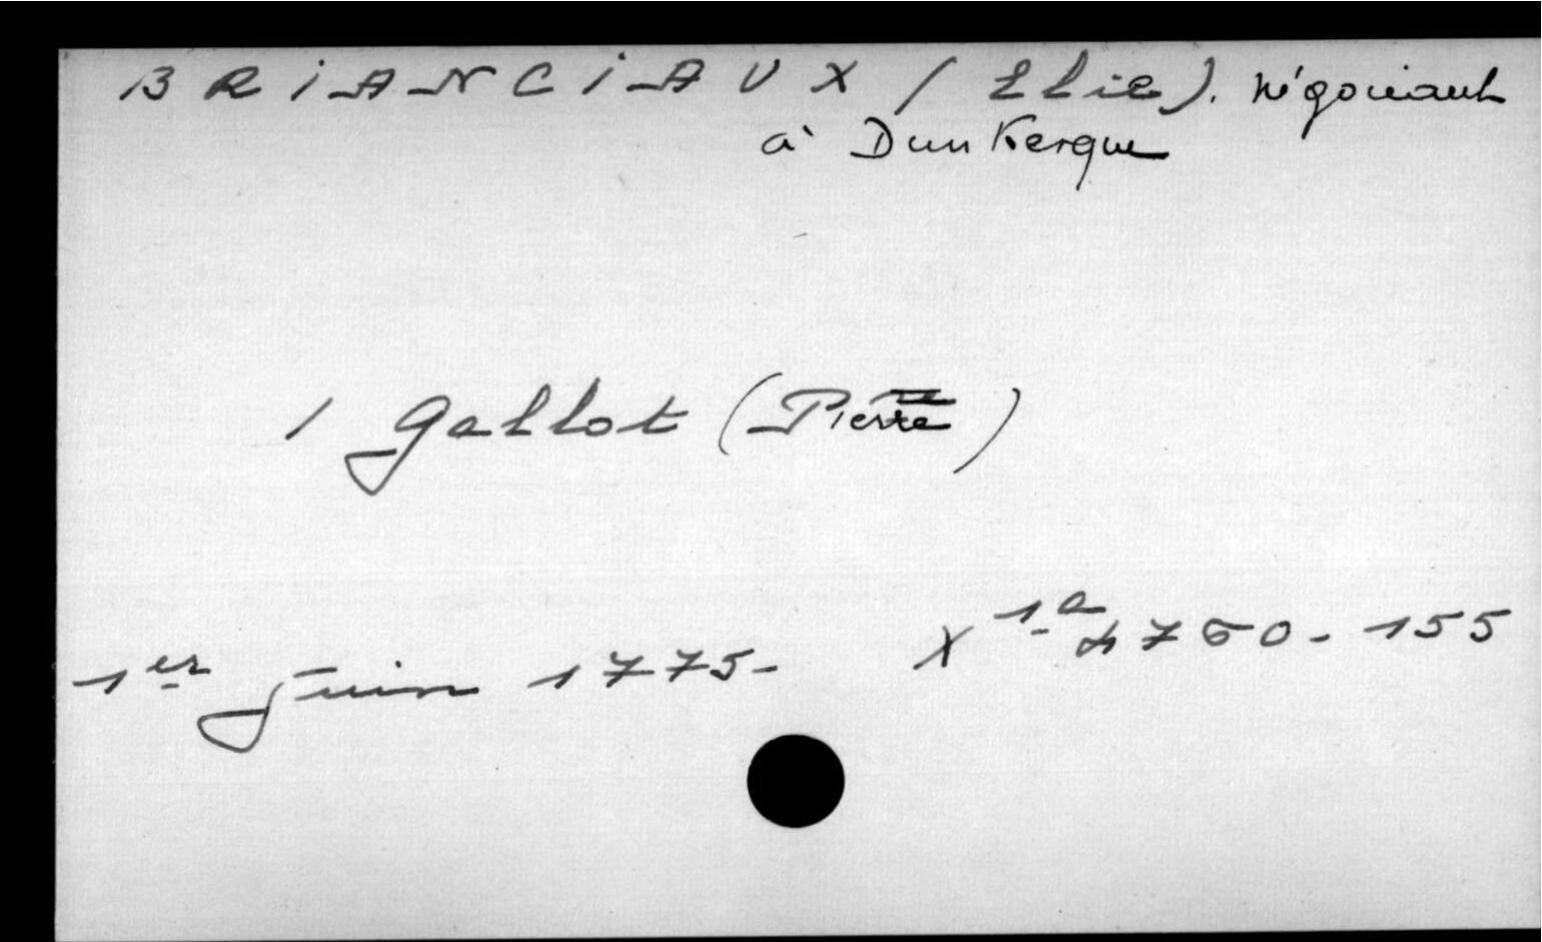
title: BRIANCIAUX (Élie), négociant à DunKerque
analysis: Contre Gallot (Pierre)
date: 1 juin 1775
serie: X1A
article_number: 4760
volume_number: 155
